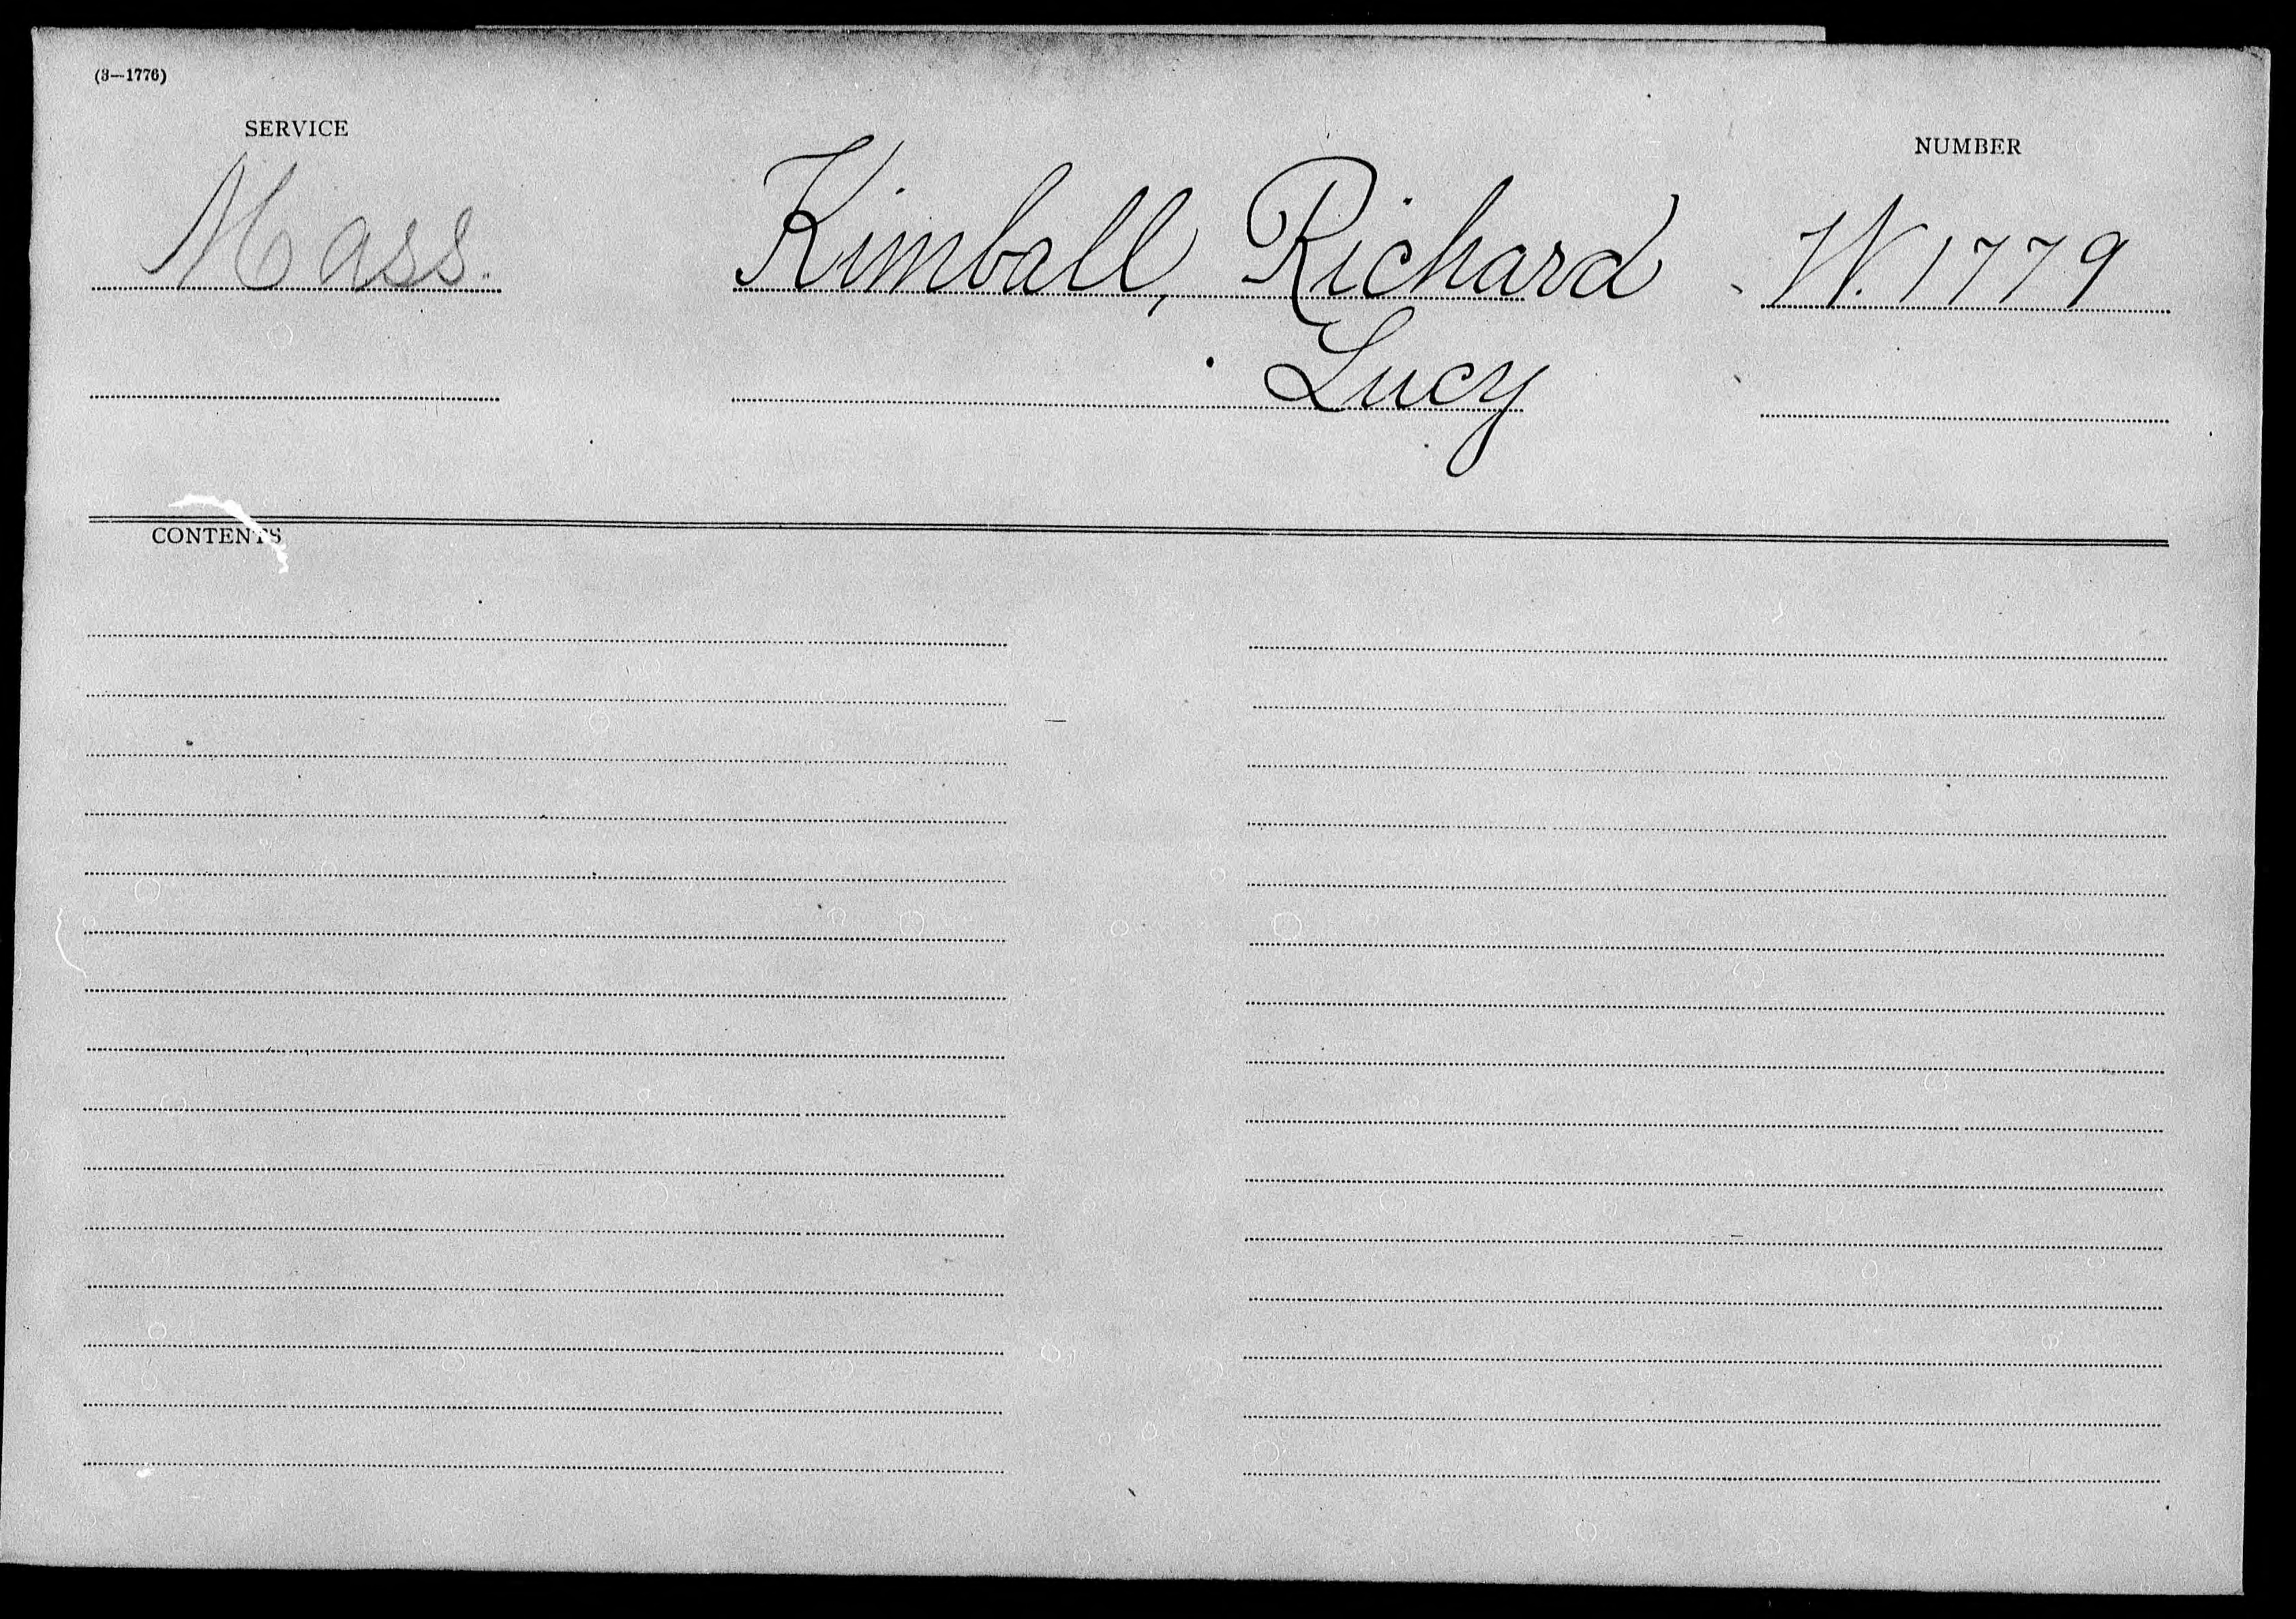(3-1776)
SERVICE                                                                                                          NUMBER
Mass.                           Kimball,  Richard                                                  W. 1779
______                                           Lucy                                                       _______

==============================================================
CONTENTS

_________________________                         __________________________
_________________________                          __________________________
_________________________                         __________________________
_________________________                         ___________________________
_________________________                         ___________________________
_________________________                         ___________________________
_________________________                         ___________________________
_________________________                         ___________________________
_________________________                          ___________________________
_________________________                         ____________________________
_________________________                         ____________________________
_________________________                         ____________________________
_________________________                         ____________________________
_________________________                         ____________________________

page: 1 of 29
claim: widow's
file: W. 1779, for Richard Kimball, Massachusetts